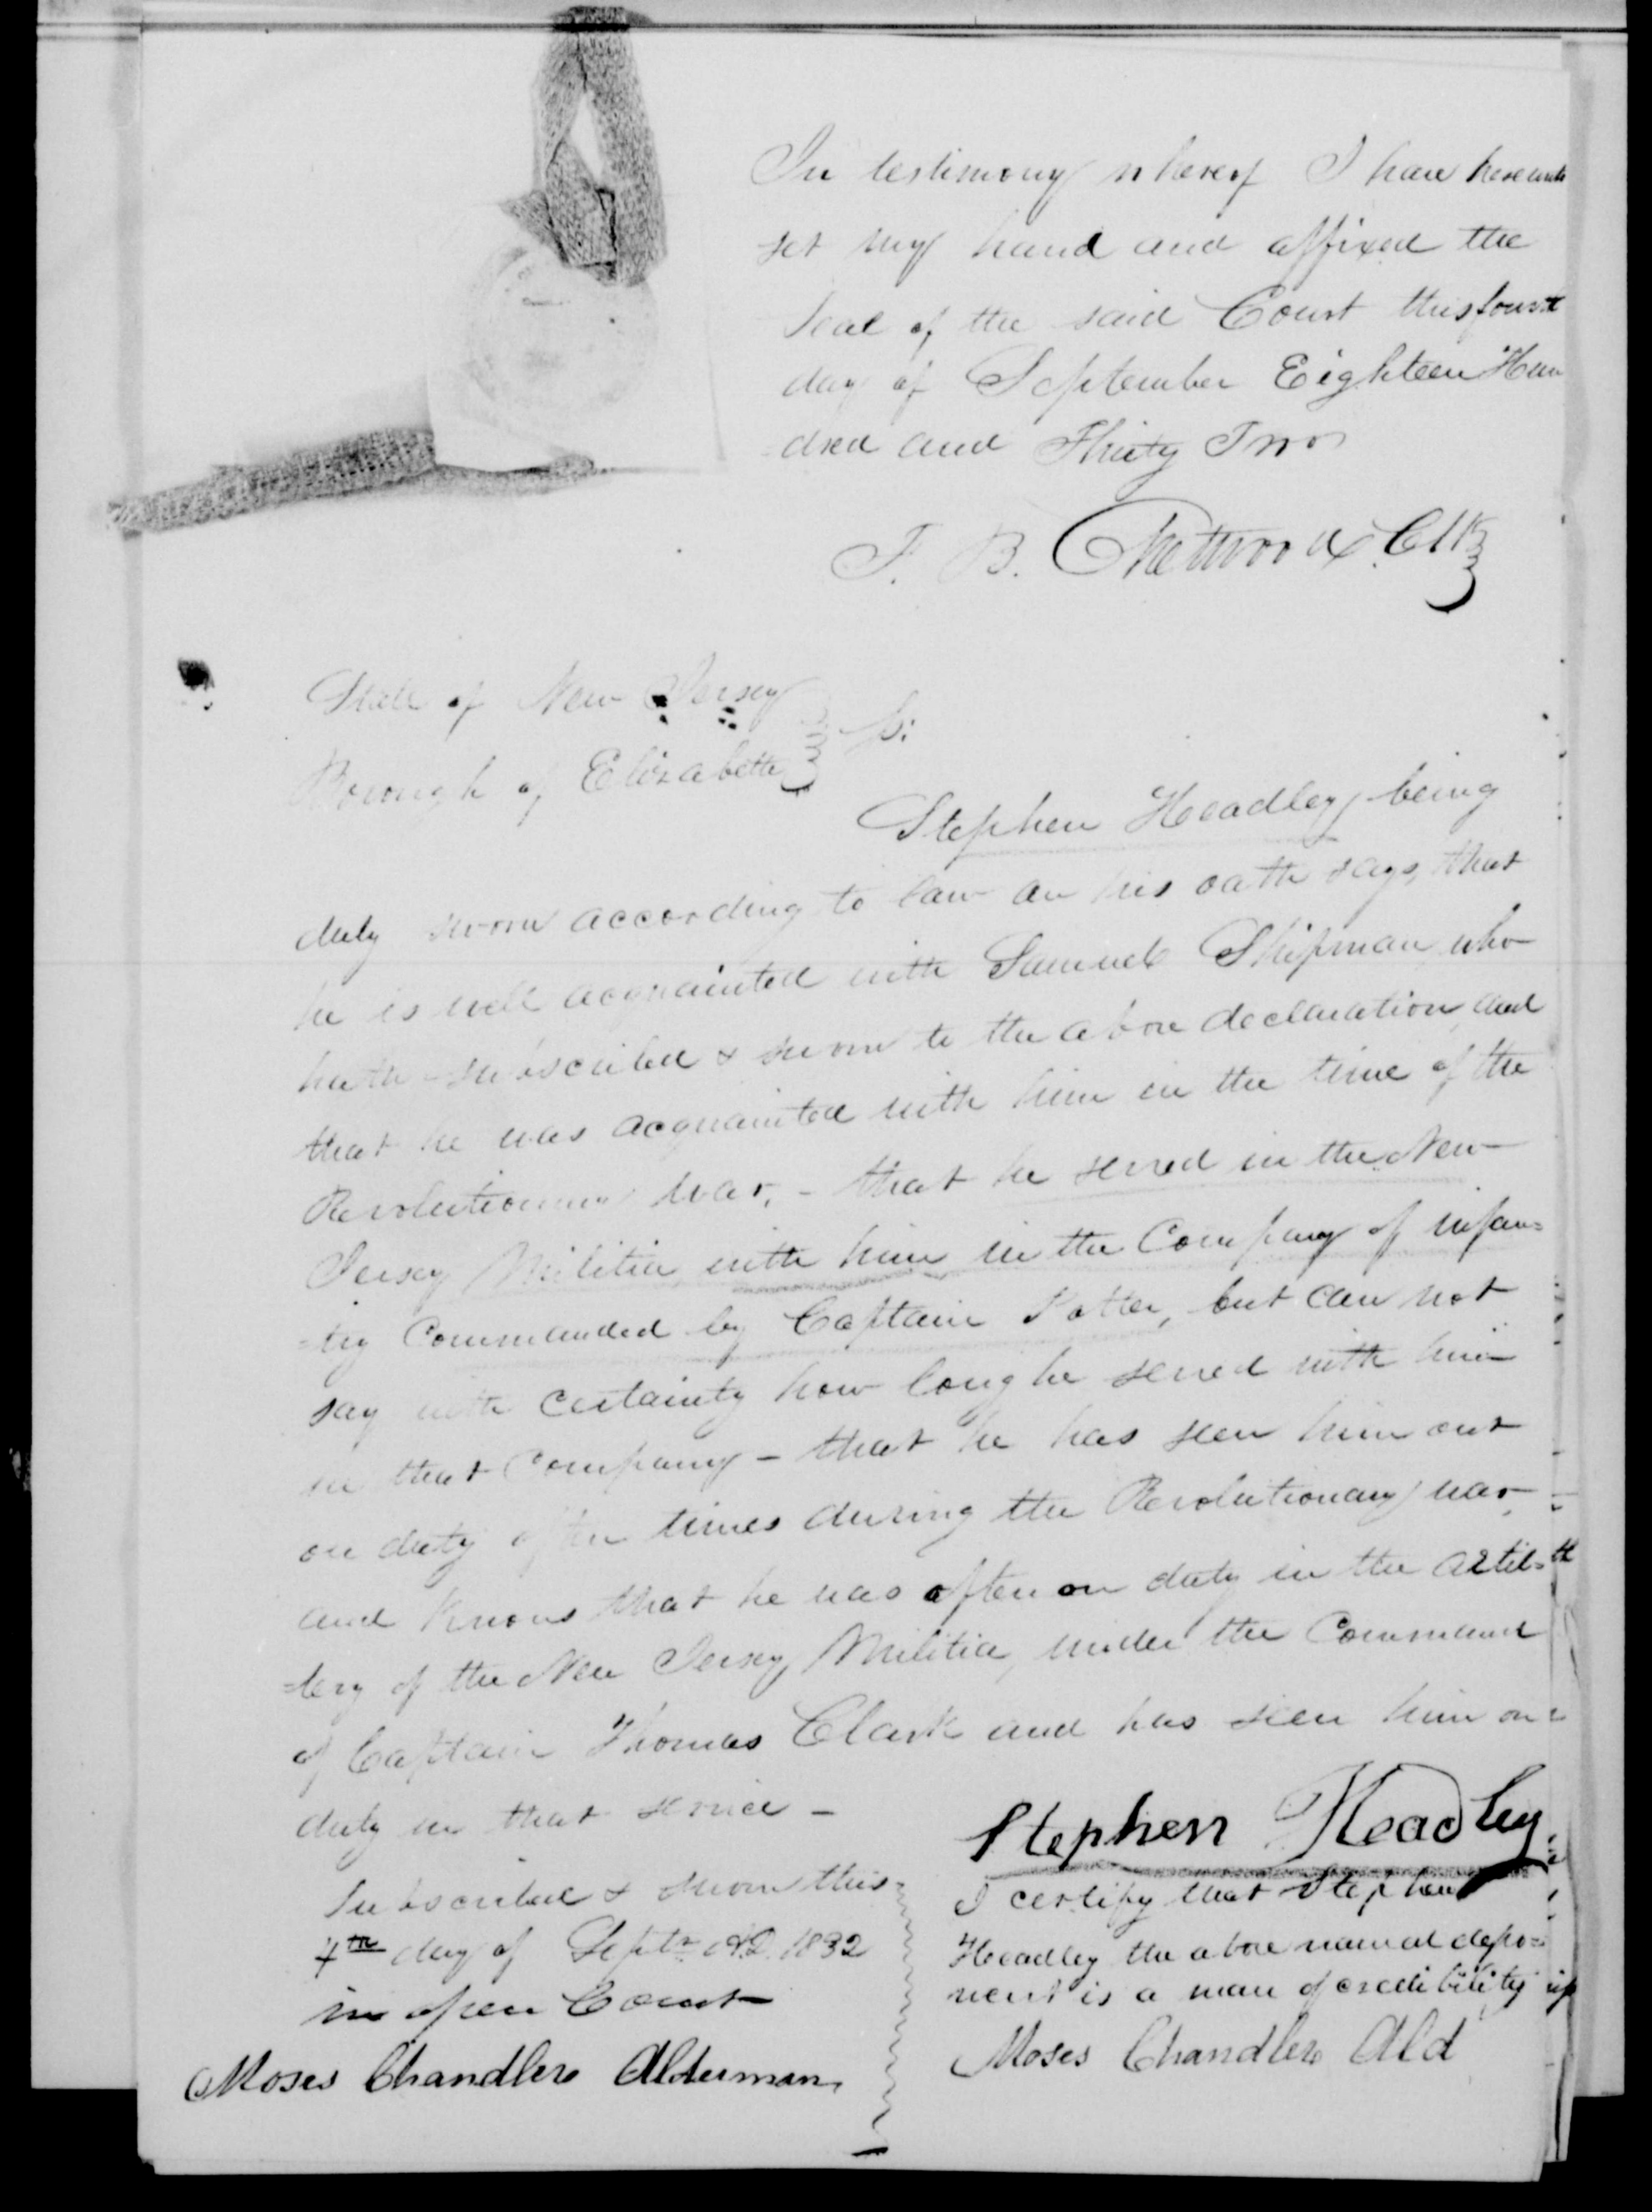In testimony whereof I have hereunto set my hand and affixed the seal of the said Court this fourth day of September Eighteen Hundred and Thirty Two
J. B. Chetwood Atty
State of New Jersey Borough of Elizabeth}Ss:
Stephen Headley being duly sworn according to law o his oath says that he is well acquainted with Samuel Shipman who hath subscribed and sworn to the above declaration and that he was acquainted with him in the time of the Revolutionary war - that he served in the New Jersey militia with him in the company of infantry commanded by Captain Potter, but can not say with certainty how long he served with him in that company - that he has seen him out on duty often times during the Revolutionary war and knows that he was often on duty in the artillery of the New Jersey militia, under the command of Captain Thomas Clark and has seen him on duty in that service - Stephen Headley.  I certify that Stephen Headley the above named deponent is a man of credibility. Moses Chandler Ald 
Subscribed + sworn this 4th day of Septr. A.D. 1832 in open Court
Moses Chandler Alderman}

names: Stephen Headley; Moses Chandler; Moses Chandler; [BLANK] Potter; Thomas Clark; Samuel Shipman; Stephen Hoadley; F B Chetwood; Stephen Headley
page: 11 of 44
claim: survivor's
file: S. 912, for Samuel Shipman, New Jersey